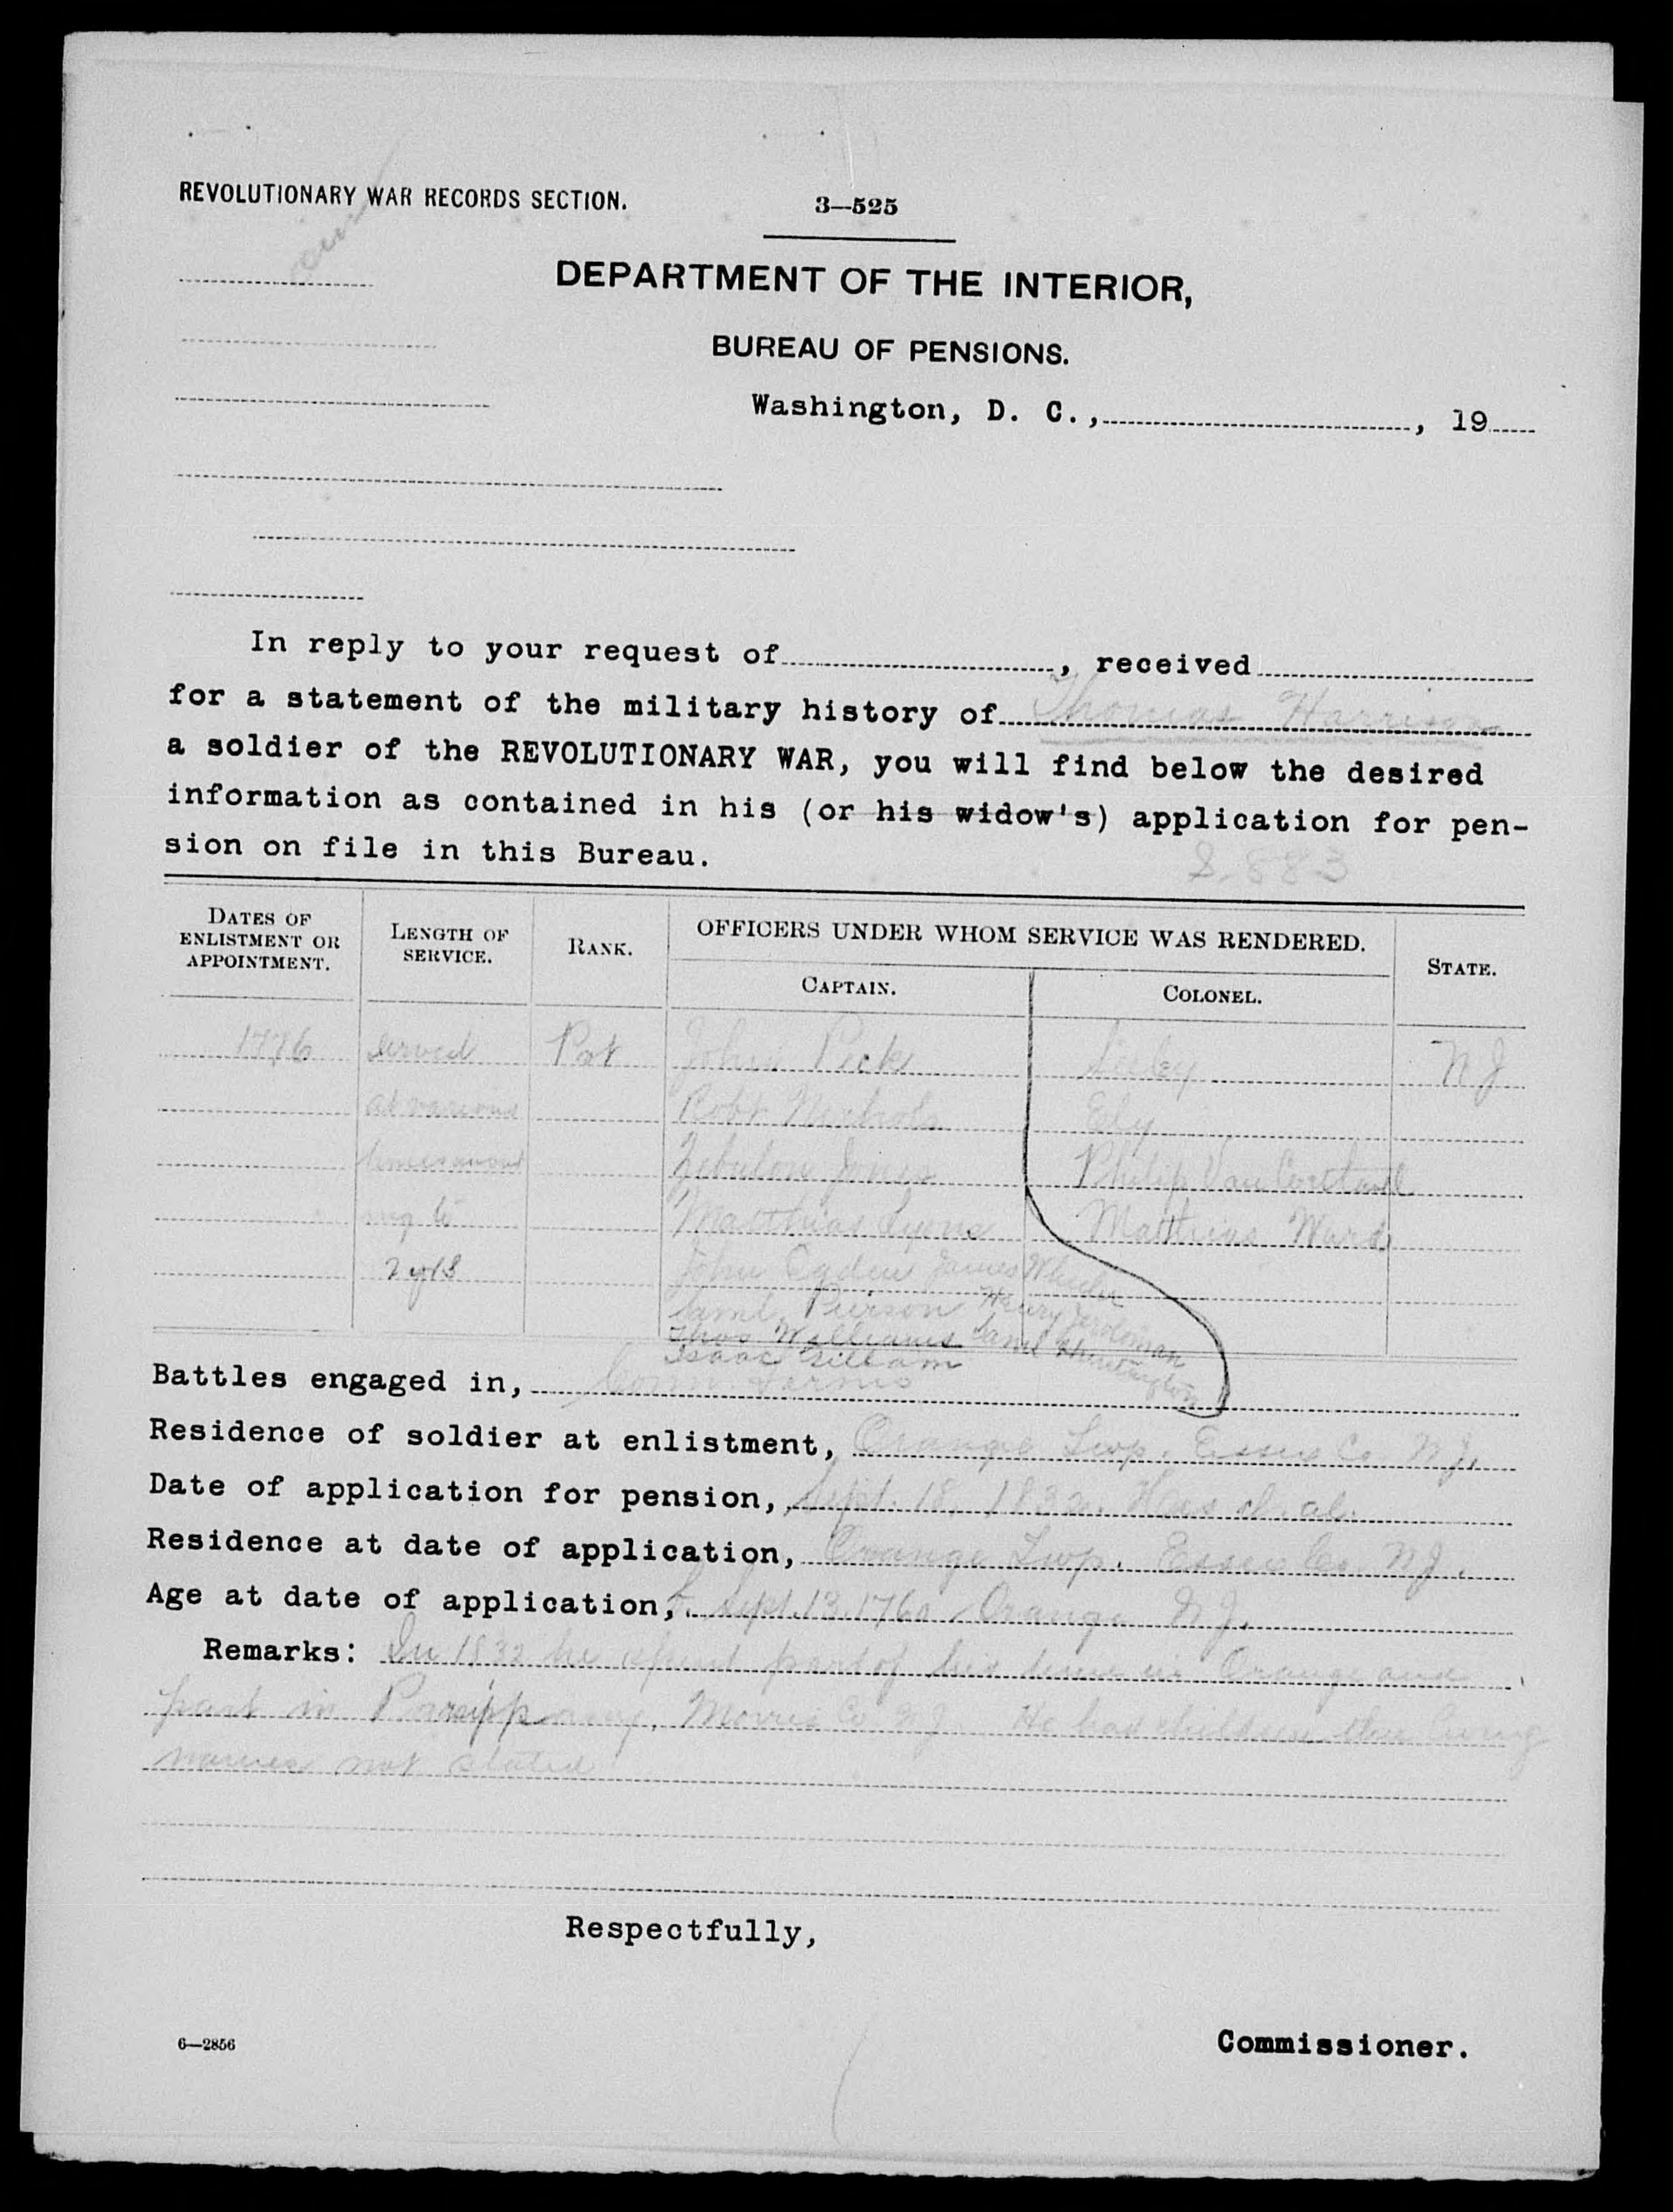REVOLUTIONARY WAR RECORDS SECTION.
3 -- 525
DEPARTMENT OF THE INTERIOR.
BUREAU OF PENSIONS.
Washington, D. C., _____________, 19___

In reply to your request of ____________, received ___________
for a statement of the military history of Thomas Harrison
a soldier of the REVOLUTIONARY WAR, you will find below the desired
information as contained in his [crossed out (or his widow's)] application for pension 
on file in this Bureau.
DATES OF ENLISTMENT OR APPOINTMENT. | LENGTH OF SERVICE. | RANK. | OFFICERS UNDER WHOM SERVICE WAS RENDERED. | STATE.
 | | | CAPTAIN. | COLONEL.
1776. | served at various times served avg to 2 yrs | Pvt | John Peck | Seeley " NJ
 | | | Robt Nichols | Ely
 | | | Zebulon Jones | Philip Van Cortland
 | | | Matthias Lyon | Matthias Ward
 | | |  John Ogden, James Wheeler | 
 | | | Saml Pierson, Henry Jeroleman | 
 | | | Thos Williams, Saml Huntington
 | | | Isaac Gillam | 
Battles engaged in, Conn Farms
Residence of soldier at enlistment, Orange Twp, Essex Co. NJ
Date of application for pension, Sept. 18 1832 Was al. al.
Residence at date of application, Orange Twp. Essex Co. NJ
Age at date of application b Sept 13 1760 Orange NJ.
Remarks: In 1832 he spent part of his time in Orange and
part in Parsippany, Morris Co. NJ. He had children there living
names not stated
Respectfully,

Commissioner.
6 -- 2856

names: Seeley, Saml Huntington, Ely, Philip Van Cortland, Henry Jeroleman, John Peck, Matthias Ward, James Wheeler, Saml Pierson, Thos Williams, Robt Nichols, John Ogden, Isaac Gillam, Thomas Harrison, Zebulon Jones, Matthias Lyon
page: 7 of 15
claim: survivor's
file: S. 883, Thomas Harrison, New Jersey